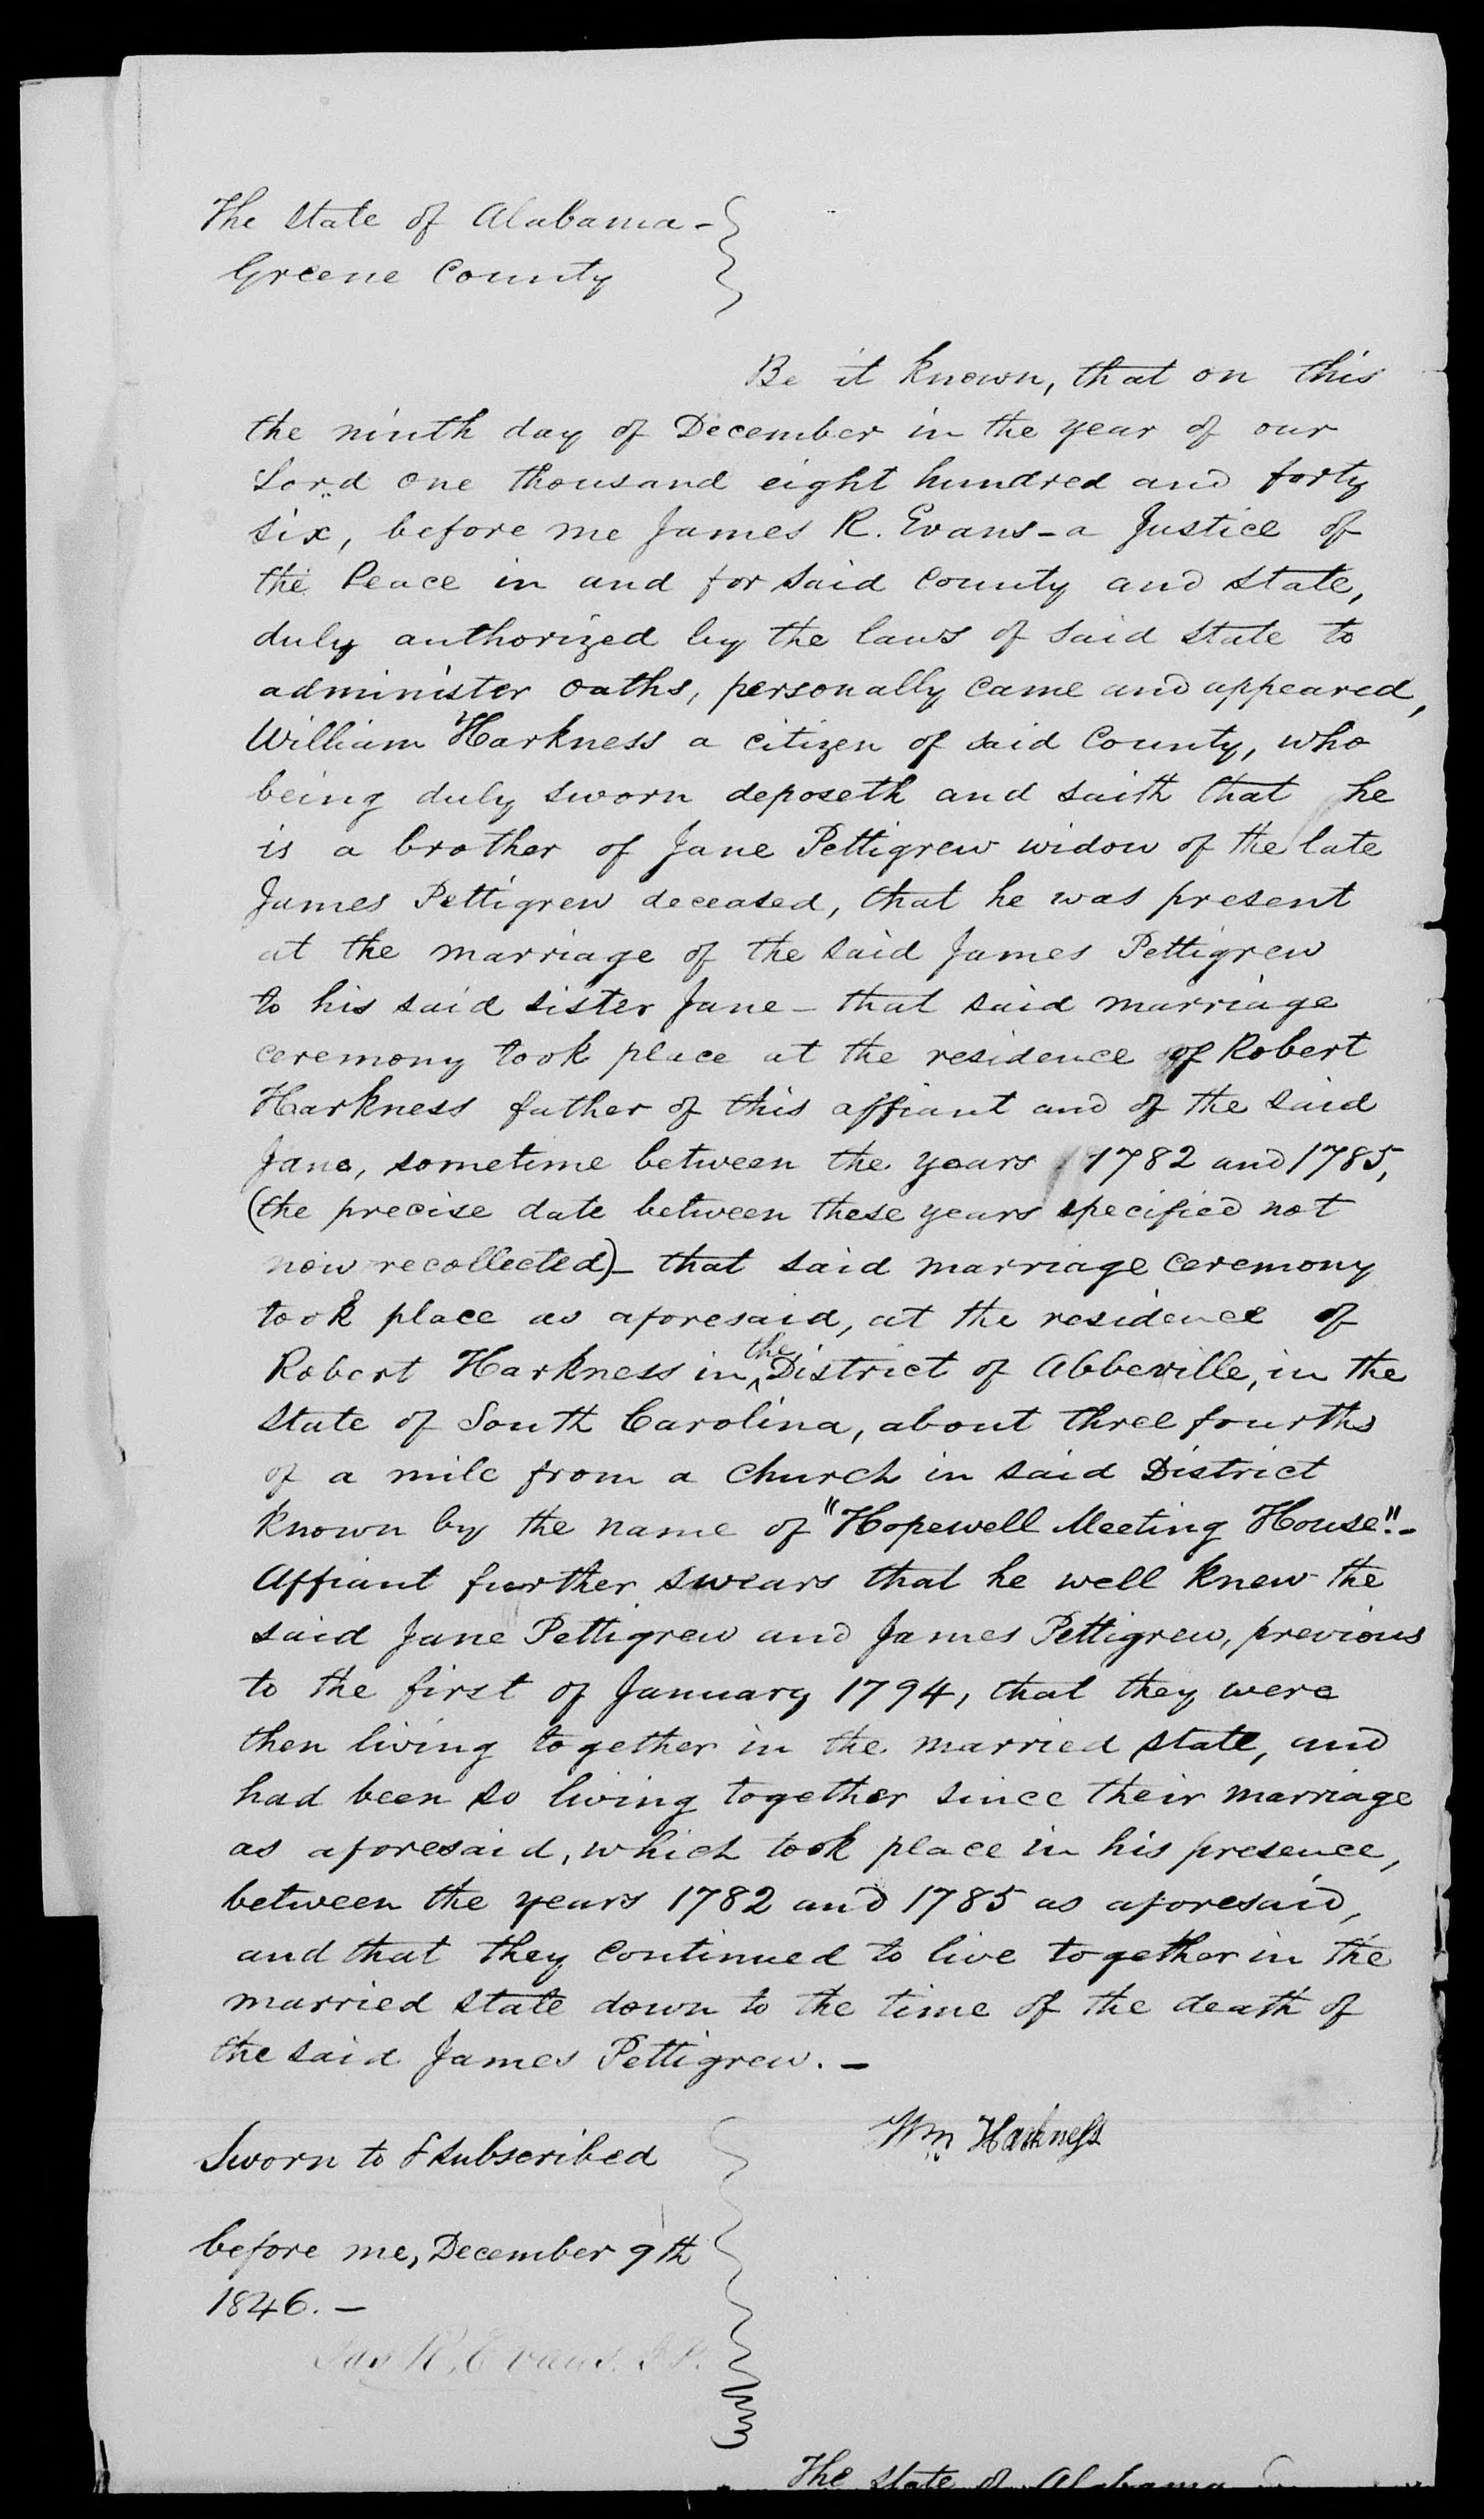The State of Alabama -
Greene County
Be it known, that on this the ninth day of December in the year of our Lord one thousand eight hundred and forty six, before me James R. Evans - a justice of the Peace in and for said county and state, duly authorized by the laws of said state to administer oaths, personally came and appeared, William Harkness a citizen of said County, who being duly sworn deposeth and saith that he is a brother of Jane Pettigrew widow of the late James Pettigrew deceased, that he was present at the marriage of the James Pettigrew to his said sister Jane - that said marriage ceremony took place at the residence of Robert Harkness father of this affidavit and of the said Jane, sometime between the years 1782 and 1785, (the precise date between the years specified not now recollected) - that said marriage ceremony took place as aforesaid, at the residence of Robert Harkness in ^the District of Abbeville, in the State of South Carolina, about three fourths of a mile from a church in said District known by the name of "Hopewell Meeting House." - Affidavit further swears that he well knew the said Jane Pettigrew and James Pettigrew, previous to the first of January 1794, that they were then living together in the married state, and had been so living together since their marriage as aforesaid, which took place in his pesence, between the years 1782 and 1785 as aforesaid, and that they continued to live together in the married state down to the time of the death of the said James Pettigrew. -

Sworn to & subscribed
before me, December 9th
1846. -
Jas. R. Evans. J.P.

Wm. Harkness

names: Jane Pettigrew; James R Evans; Robert Harkness; William Harkness; James Pettigrew; Wm Harkness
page: 59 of 92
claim: widow's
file: W. 5522, for James Pettigrew, South Carolina